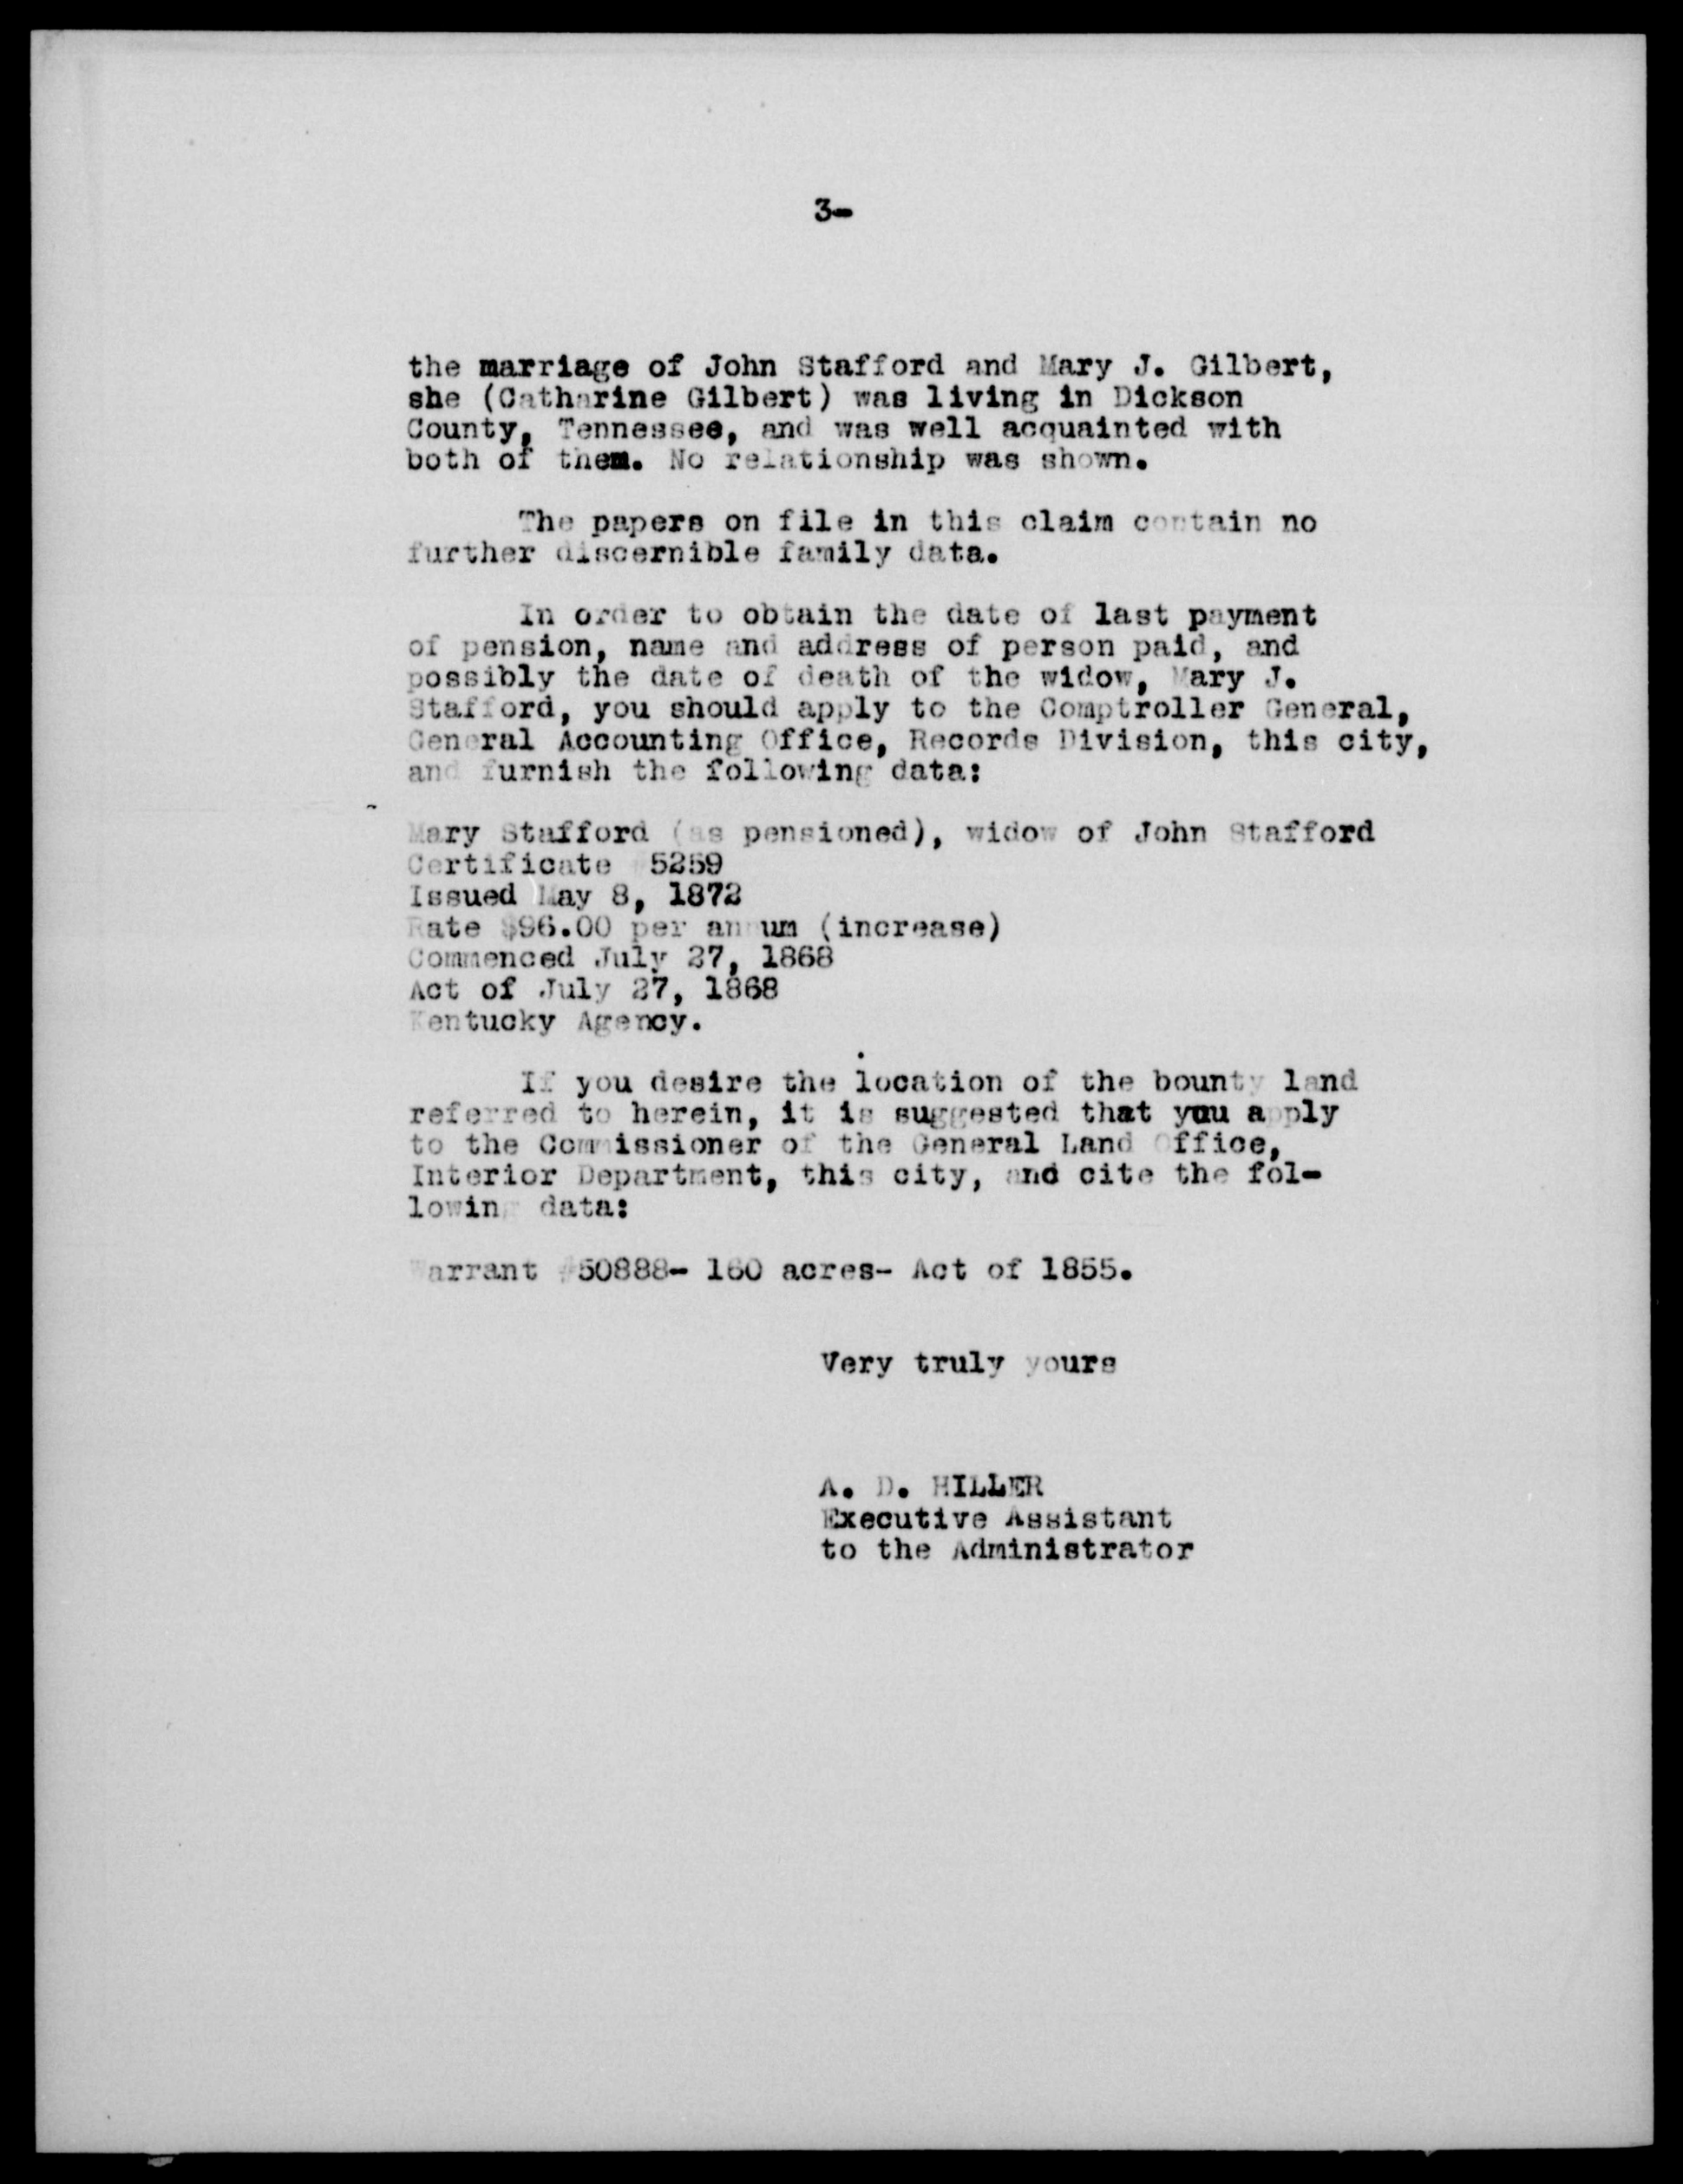3-

the marriage of John Stafford and Mary J. Gilbert, she (Catherine Gilbert) was living in Dickson County, Tennessee, and was well acquainted with both of them. No relationship was shown.

	The papers on file in this claim contain no further discernible family data.

	In order to obtain the last payment of pension, name and address of person paid, and possibly the date of death of the widow, Mary J. Stafford, you should apply to the Comptroller General, General Accounting Office, Records Division, this city, and furnish the following data.

Mary Stafford  (as pensioned), widow of John Stafford
Certificate 5259
Issued May 8, 1872
Rate $96.00 per annum (increase)
Commenced July 27, 1868
Act of July 27, 1868
Kentucky Agency.

	If you desire the location of the bounty land referred to herein, it is suggested that you apply to the Commissioner of the General Land Office, Interior Department, this city, and cite the following data:

Warrant #50888- 160 acres- Act of 1855.

Very truly yours,

A. D. HILLER
Executive Assistant 
to the Administrator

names: Catharine Gilbert; John Stafford; Mary Stafford; A D Hiller; John Stafford; Mary J Gilbert; Mary J Stafford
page: 22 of 61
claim: widow's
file: W. 11554, for John Stafford, Maryland